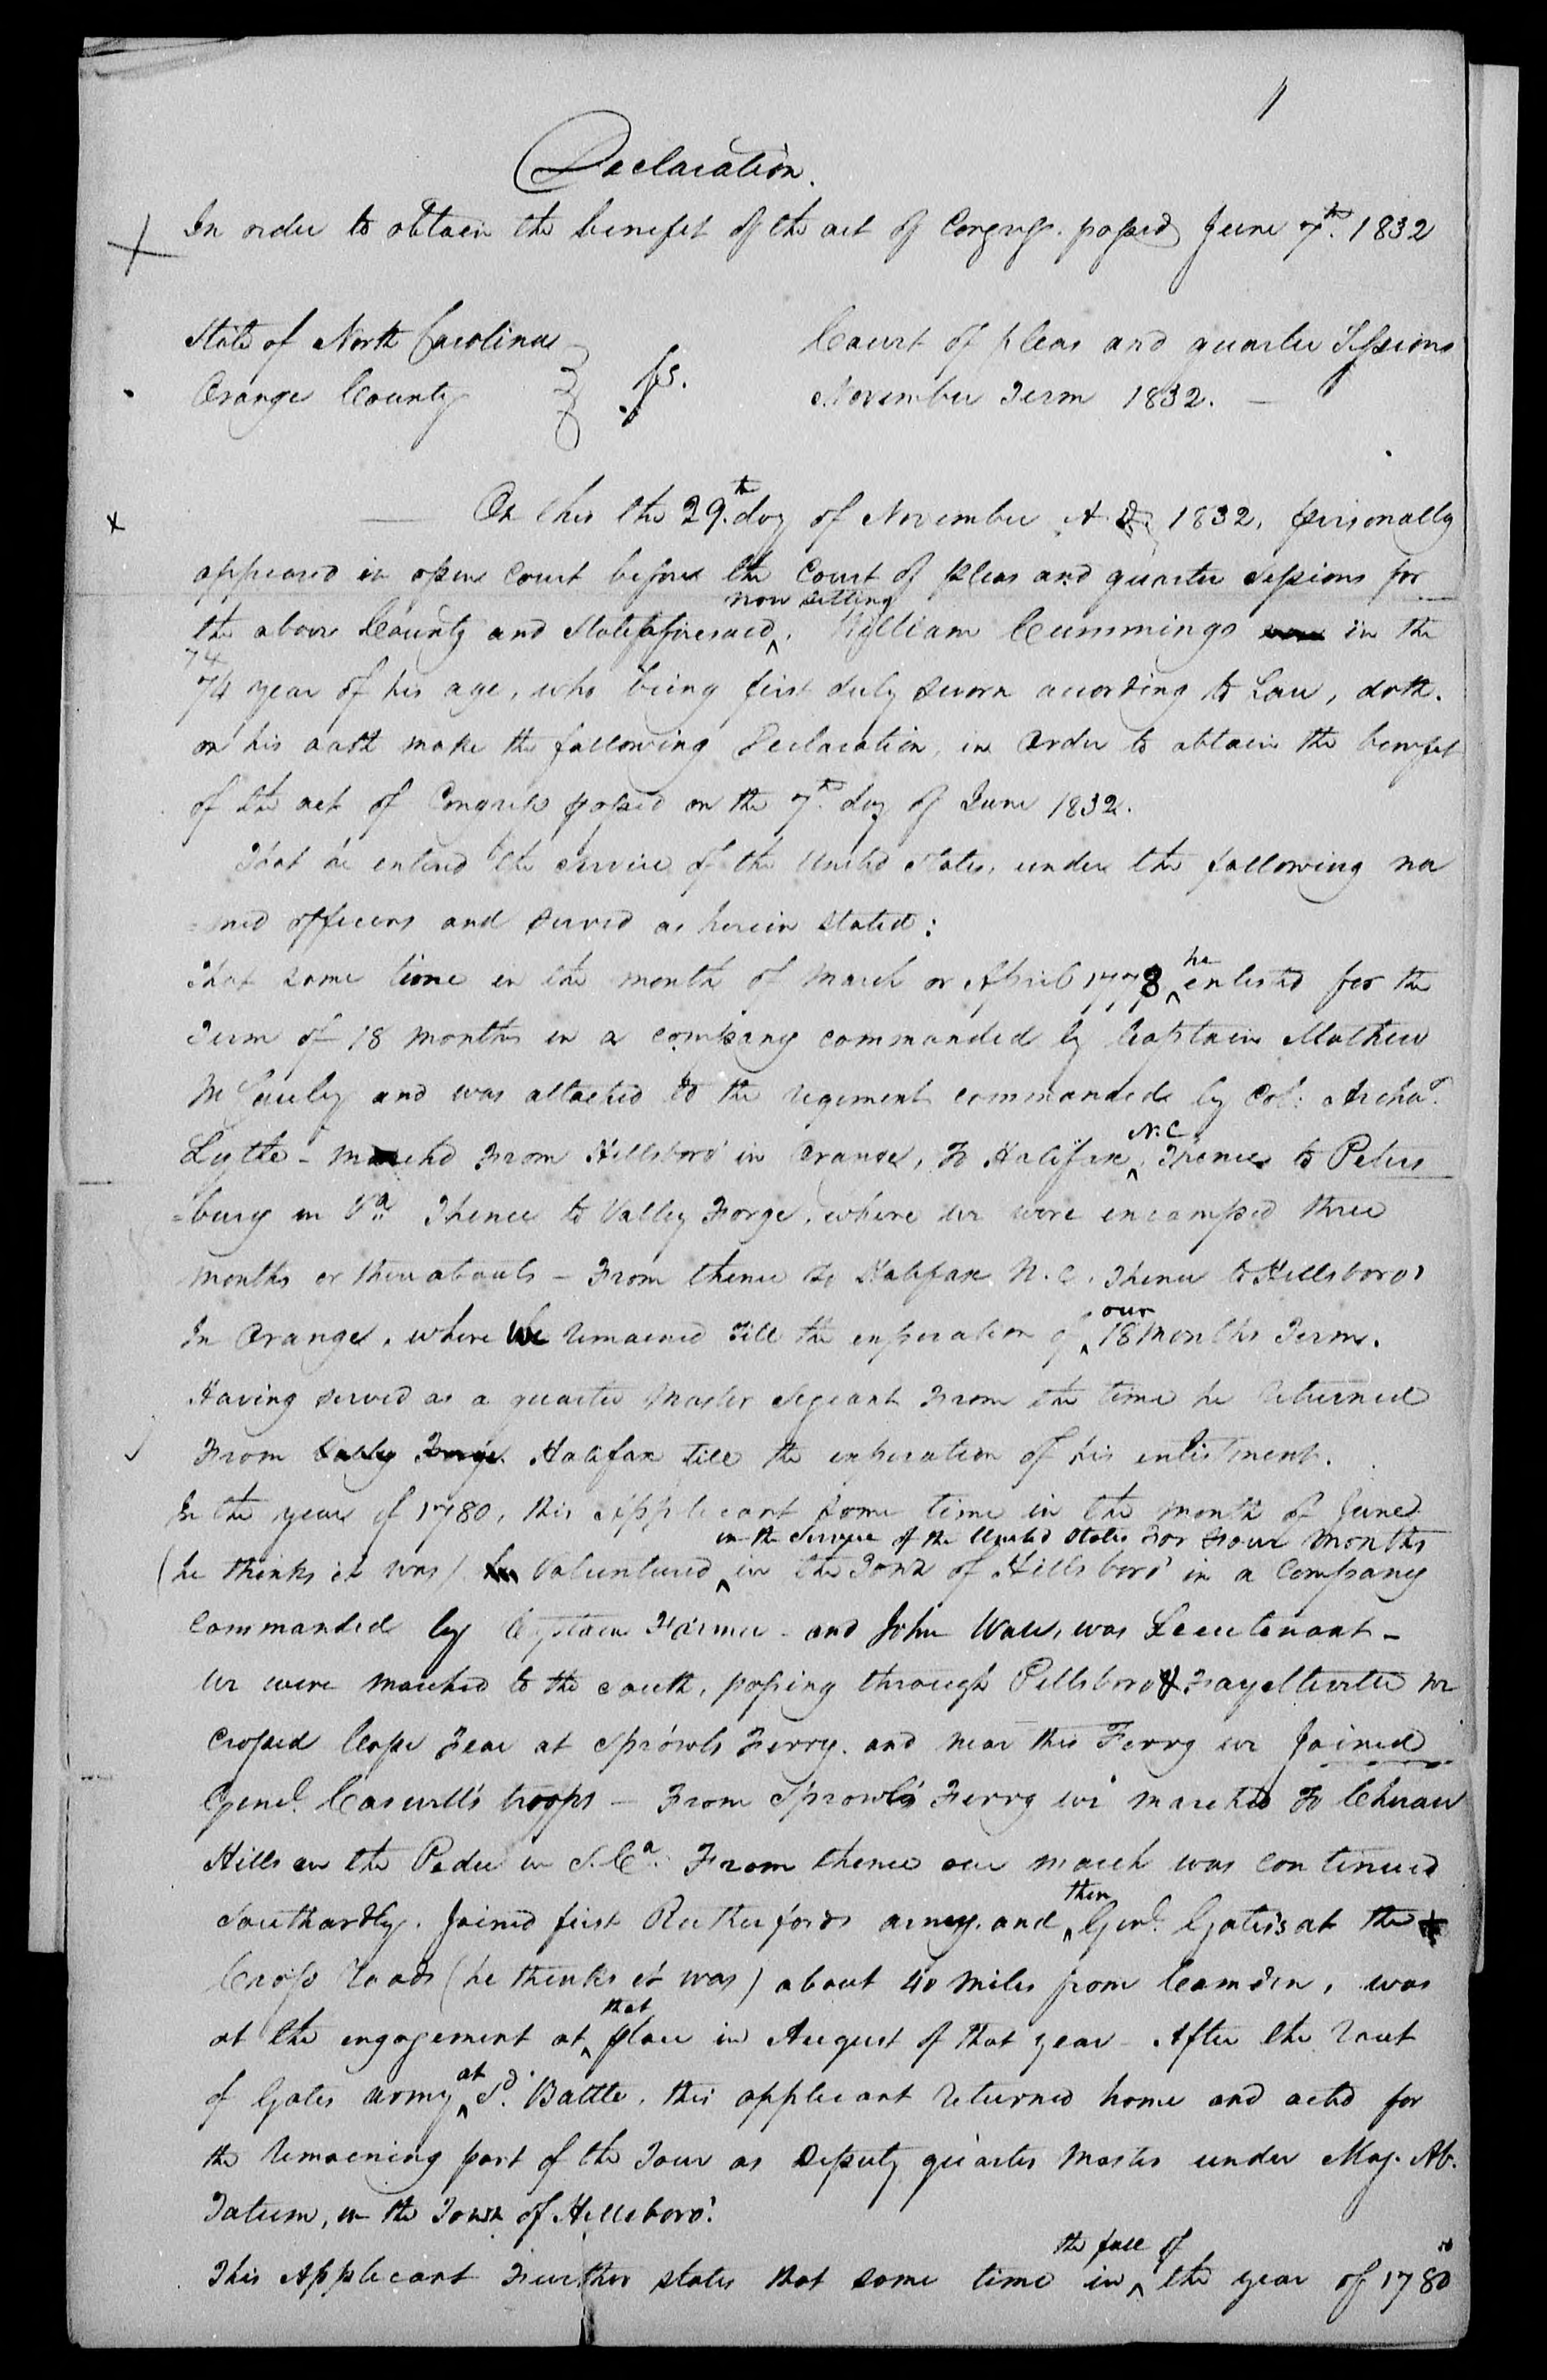[Handwritten record.  Occasional spacing has been included, to make the long text block easier to read.]

Declaration.
[There is a large X mark near the left margin of the page.] In order to obtain the benefit of the act of Congress. passed June 7th. 1832

State of North Carolina)     Court of pleas and quarter Sessions
Orange County)                  November Term 1832. -

[Here there is a small x mark near the left margin.]  On this the 29th. day of November A.D. 1832, personally appeared in open Court before the Court of pleas and quarter Sessions for the above County and State aforesaid, now sitting. William Cummings [here an illegible word, possibly "now, was crossed through] in the 74 [here "74" is also writtten above] year of his age, who being first duly sworn according to Law, doth. on his oath make the following Declaration in Order to obtain the benefit of the act of Congress passed on the 7th. day of June 1832.

That he entered the service of the United States under the following named officers and Served as herein Stated:

That some time in the month of March or April [here "1777" was overwritten to read:] 1778 ^he enlisted for the Term of 18 months in a company commanded by Captain Mathew McCauly and was attached to the regiment commanded by Colo Archad. [possibly  meaning Archabald] Lytle - marched From Hillsboro in Orange, To Halifax N.C.  Thence to Petersburg in Va. Thence to Valley Forge, where we were encamped three months or thereabouts  - From thence to Halifax N.C.  Thence to Hillsboro'  In Orange.  where [here the word "he" was written over to read as:] we remained Till the expiration of ^our 18 Months Term.

Having served as a quarter Master Segeant From the time he returned [here there is a check mark near the left margin] From [here "Valley Forge" is crossed through] Halifax till the expiration of his enlistment.

In the year of 1780, this applicant Some time in the month of June (he thinks it was) ["he" was stricken through] Volunteered ^in the Service of the United States for Four Months in the Town of Hillsboro' in a Company commanded by Captain Farmer - and John Wall, was Leiutenant - we were marched to the south, passing through Pittsboro and Fayetteville [illegible] crossed [?] Cape Fear at  Sprowls Ferry. and near the Ferry we Joined Genel. Caswell's troops -

From Sprowls' Ferry we marched to Cheraw Hills on the Pedee in S. Ca. [South Carolina].  From thence our march was Continued Southardly.  Joined first Rutherfords army. and ^then General  Gates's at the [here there is what looks like a "t" partially blotted out] Cross Roads (he thinks it was) about 40 miles from Camden, was at the engagement at Sd. Battle.  This applicant returned home and acted for the remining part of the Tour as Deputy quarter Master under Maj. Ab. Tatum, in the Town of Hillsboro'.  

This Applicant Further states that some time in ^the fall  of the year of 1780 ^ [illegible]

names: John Wall, Mathew Mc Cauley, Gates, William Cummings, Farmer, Caswell, Archad Lytle, A B Tatum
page: 6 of 145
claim: survivor's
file: S. 8265, William Cumming, N.C.